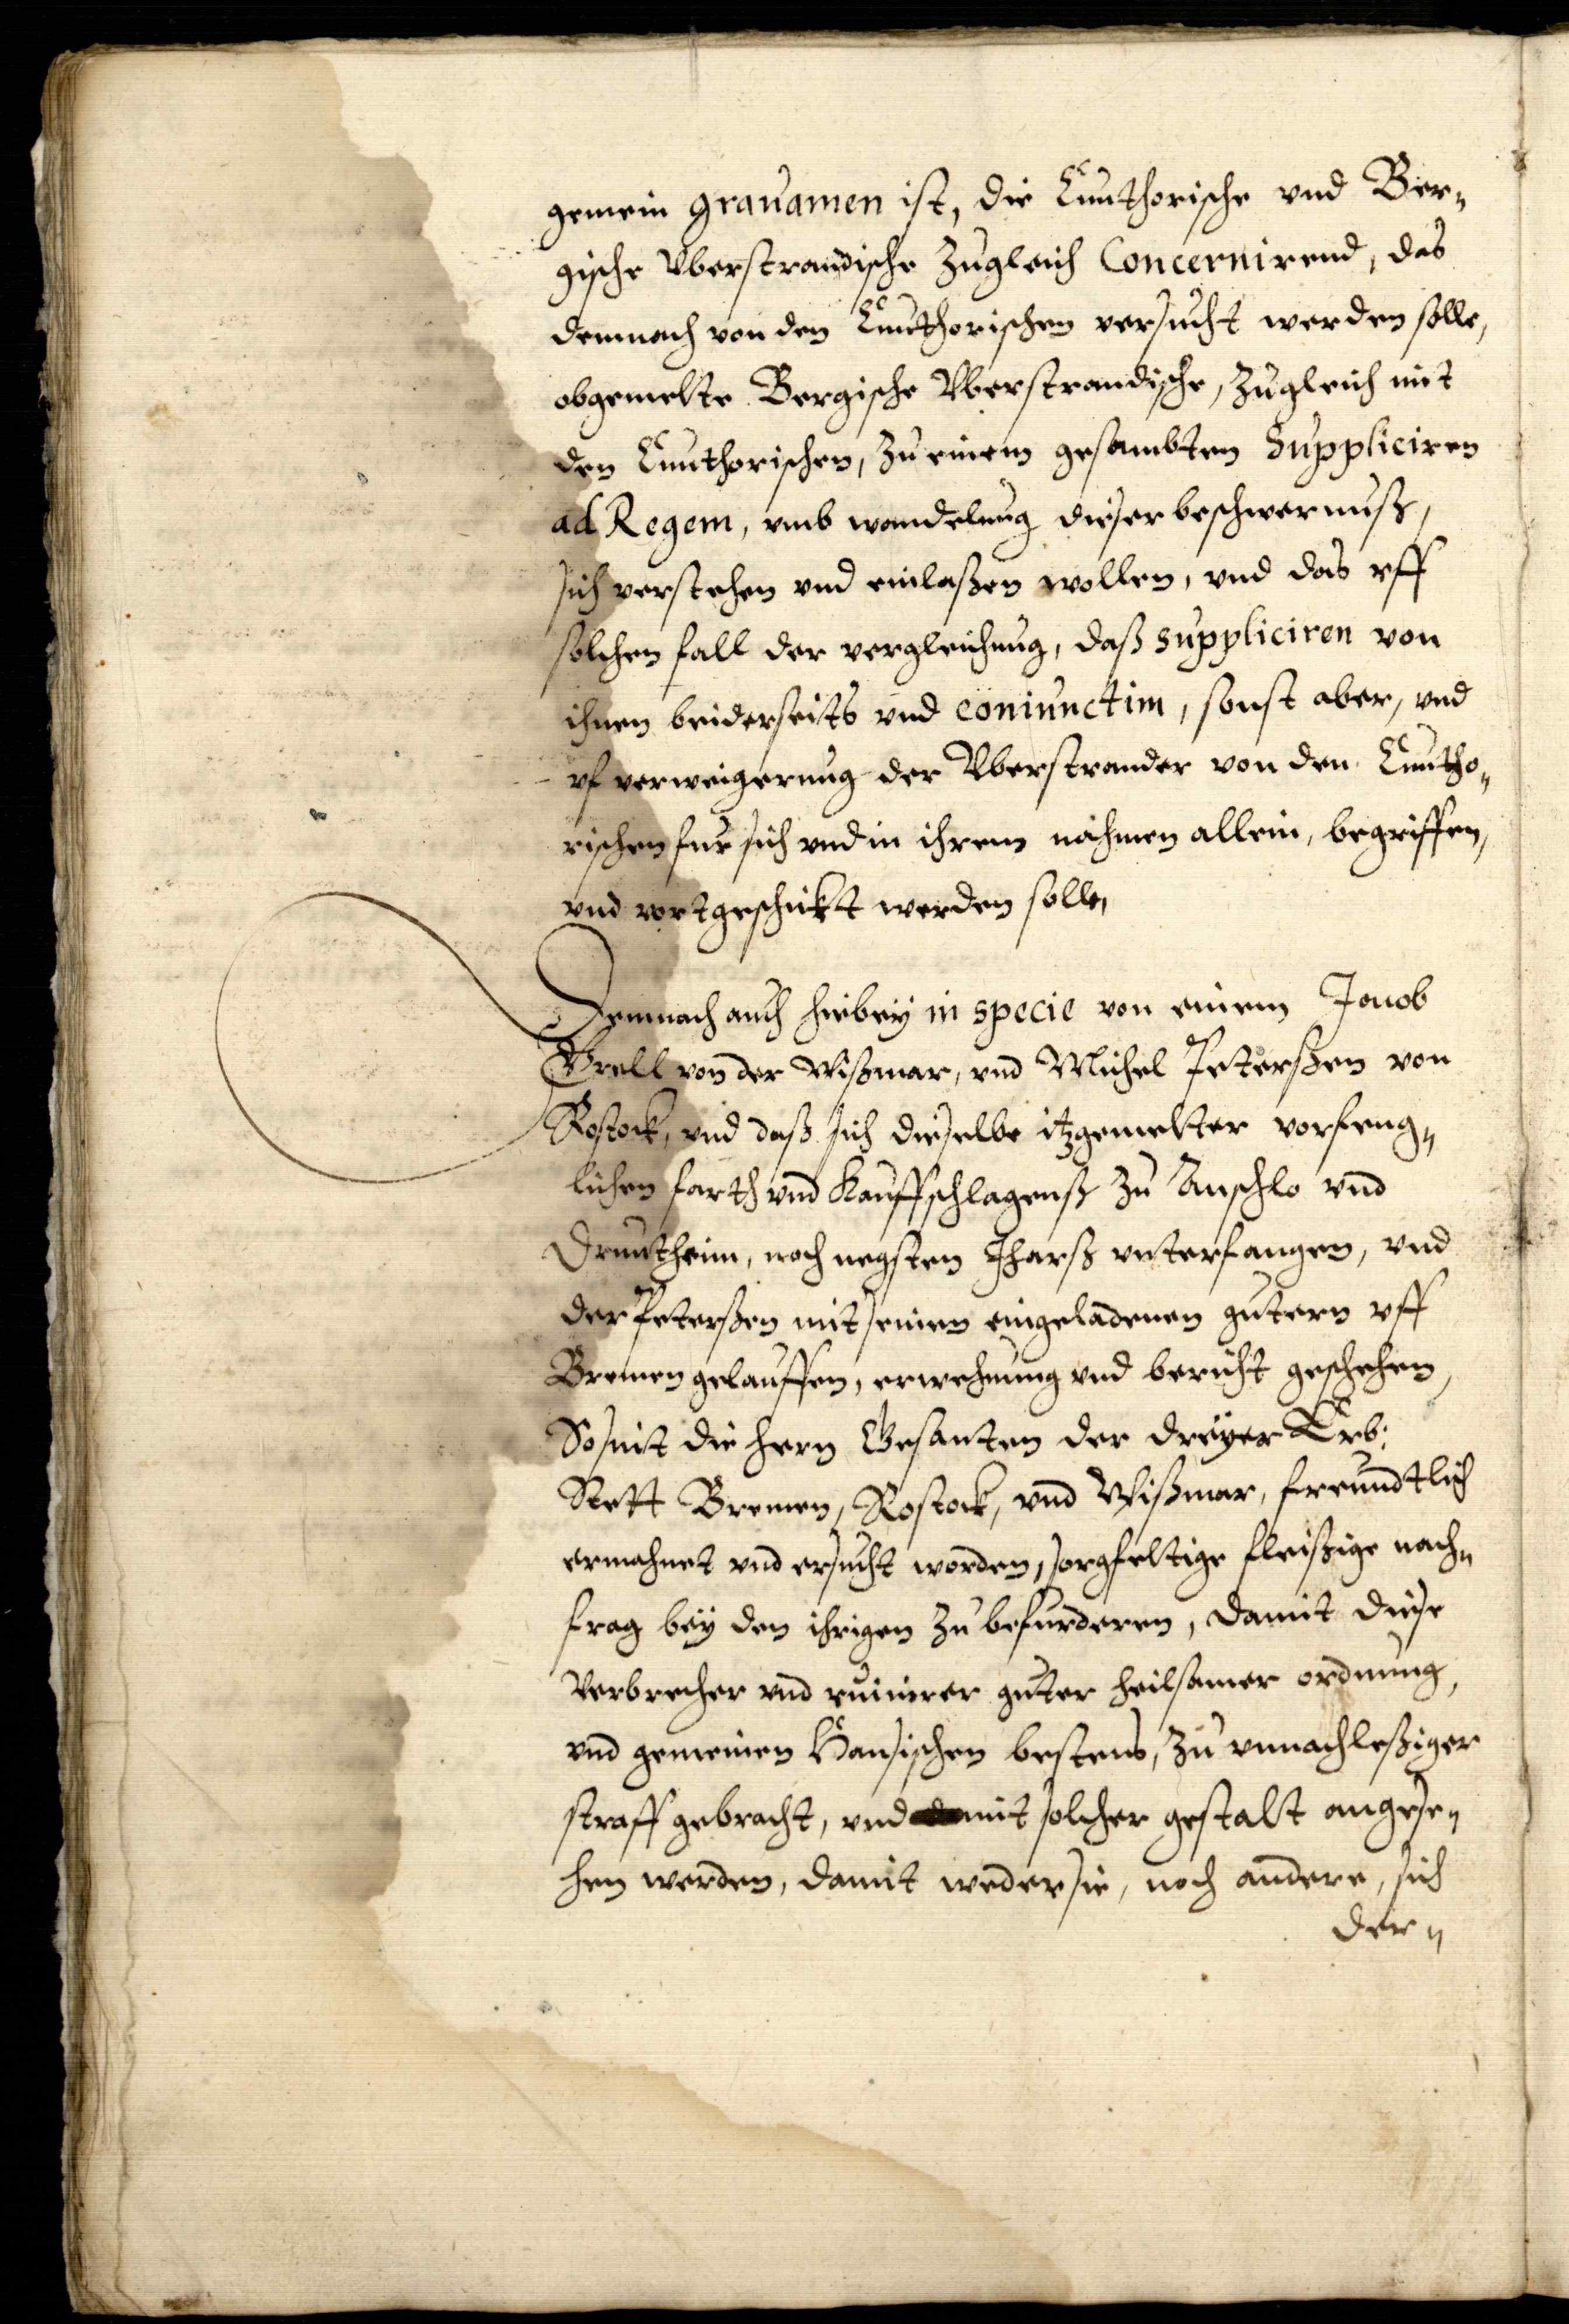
gemein grauamen ist, die Cunthorische vnd Ber¬
gische vberstrandische zugleich Concernirend, das
demnach von den Cunthorischen versucht werden solle,
abgemelte Bergische Vberstrandische, zugleich mit
den Cunthorischen, zu einem gesambten Suppliciren
ad Regem, vmb wandelung dieser beschwernuß,
sic sich verstehen, vnd einlaßen, vnd das vff
solchen fall der vergleichung, daß suppliciren von
ihrem beiderseits vnd coniunctim, sonst aber, vnd
vf verweigerung der Vberstrander den den Cuntho¬
rischen fur sch in ihrem nahmen allein, begriffen,
vnd vortgeschickt werden solle,
Demnach auch hirbeij in specie von einem Jacob
Grell von der Wißmar, vnd Michel Peterßen von
Rostock, vnd daß sich dieselbe itzgemelter vorfeng¬
lichen farth vnd kauffschlagenß zu Anschlo vnd
Druntheim, noch negsten Jharß vnterfangen, vnd
der Peterßen mit seinen eingeladenen gutern vff
Bremen gelauffen, erwehnung vnd bericht geschehen,
So sint díe hern Gesanten der dreijer Erb:
Stett Bremen, Rostock, vnd Wißmar freundtlich
ermahnet vnd ersucht worden, sorgfeltige fleißige nach¬
frag beij den ihrigen zu befurdern, damit diese
verbrechen vnd ruinirter guter heilsamer ordnung,
vnd gemeinen Hansischen bestens, zu vnnachleßiger
straff gebracht, vnd ??? mit slcher gestalt angese¬
hen werden, damit weder sie, noch andere, sich
der¬
